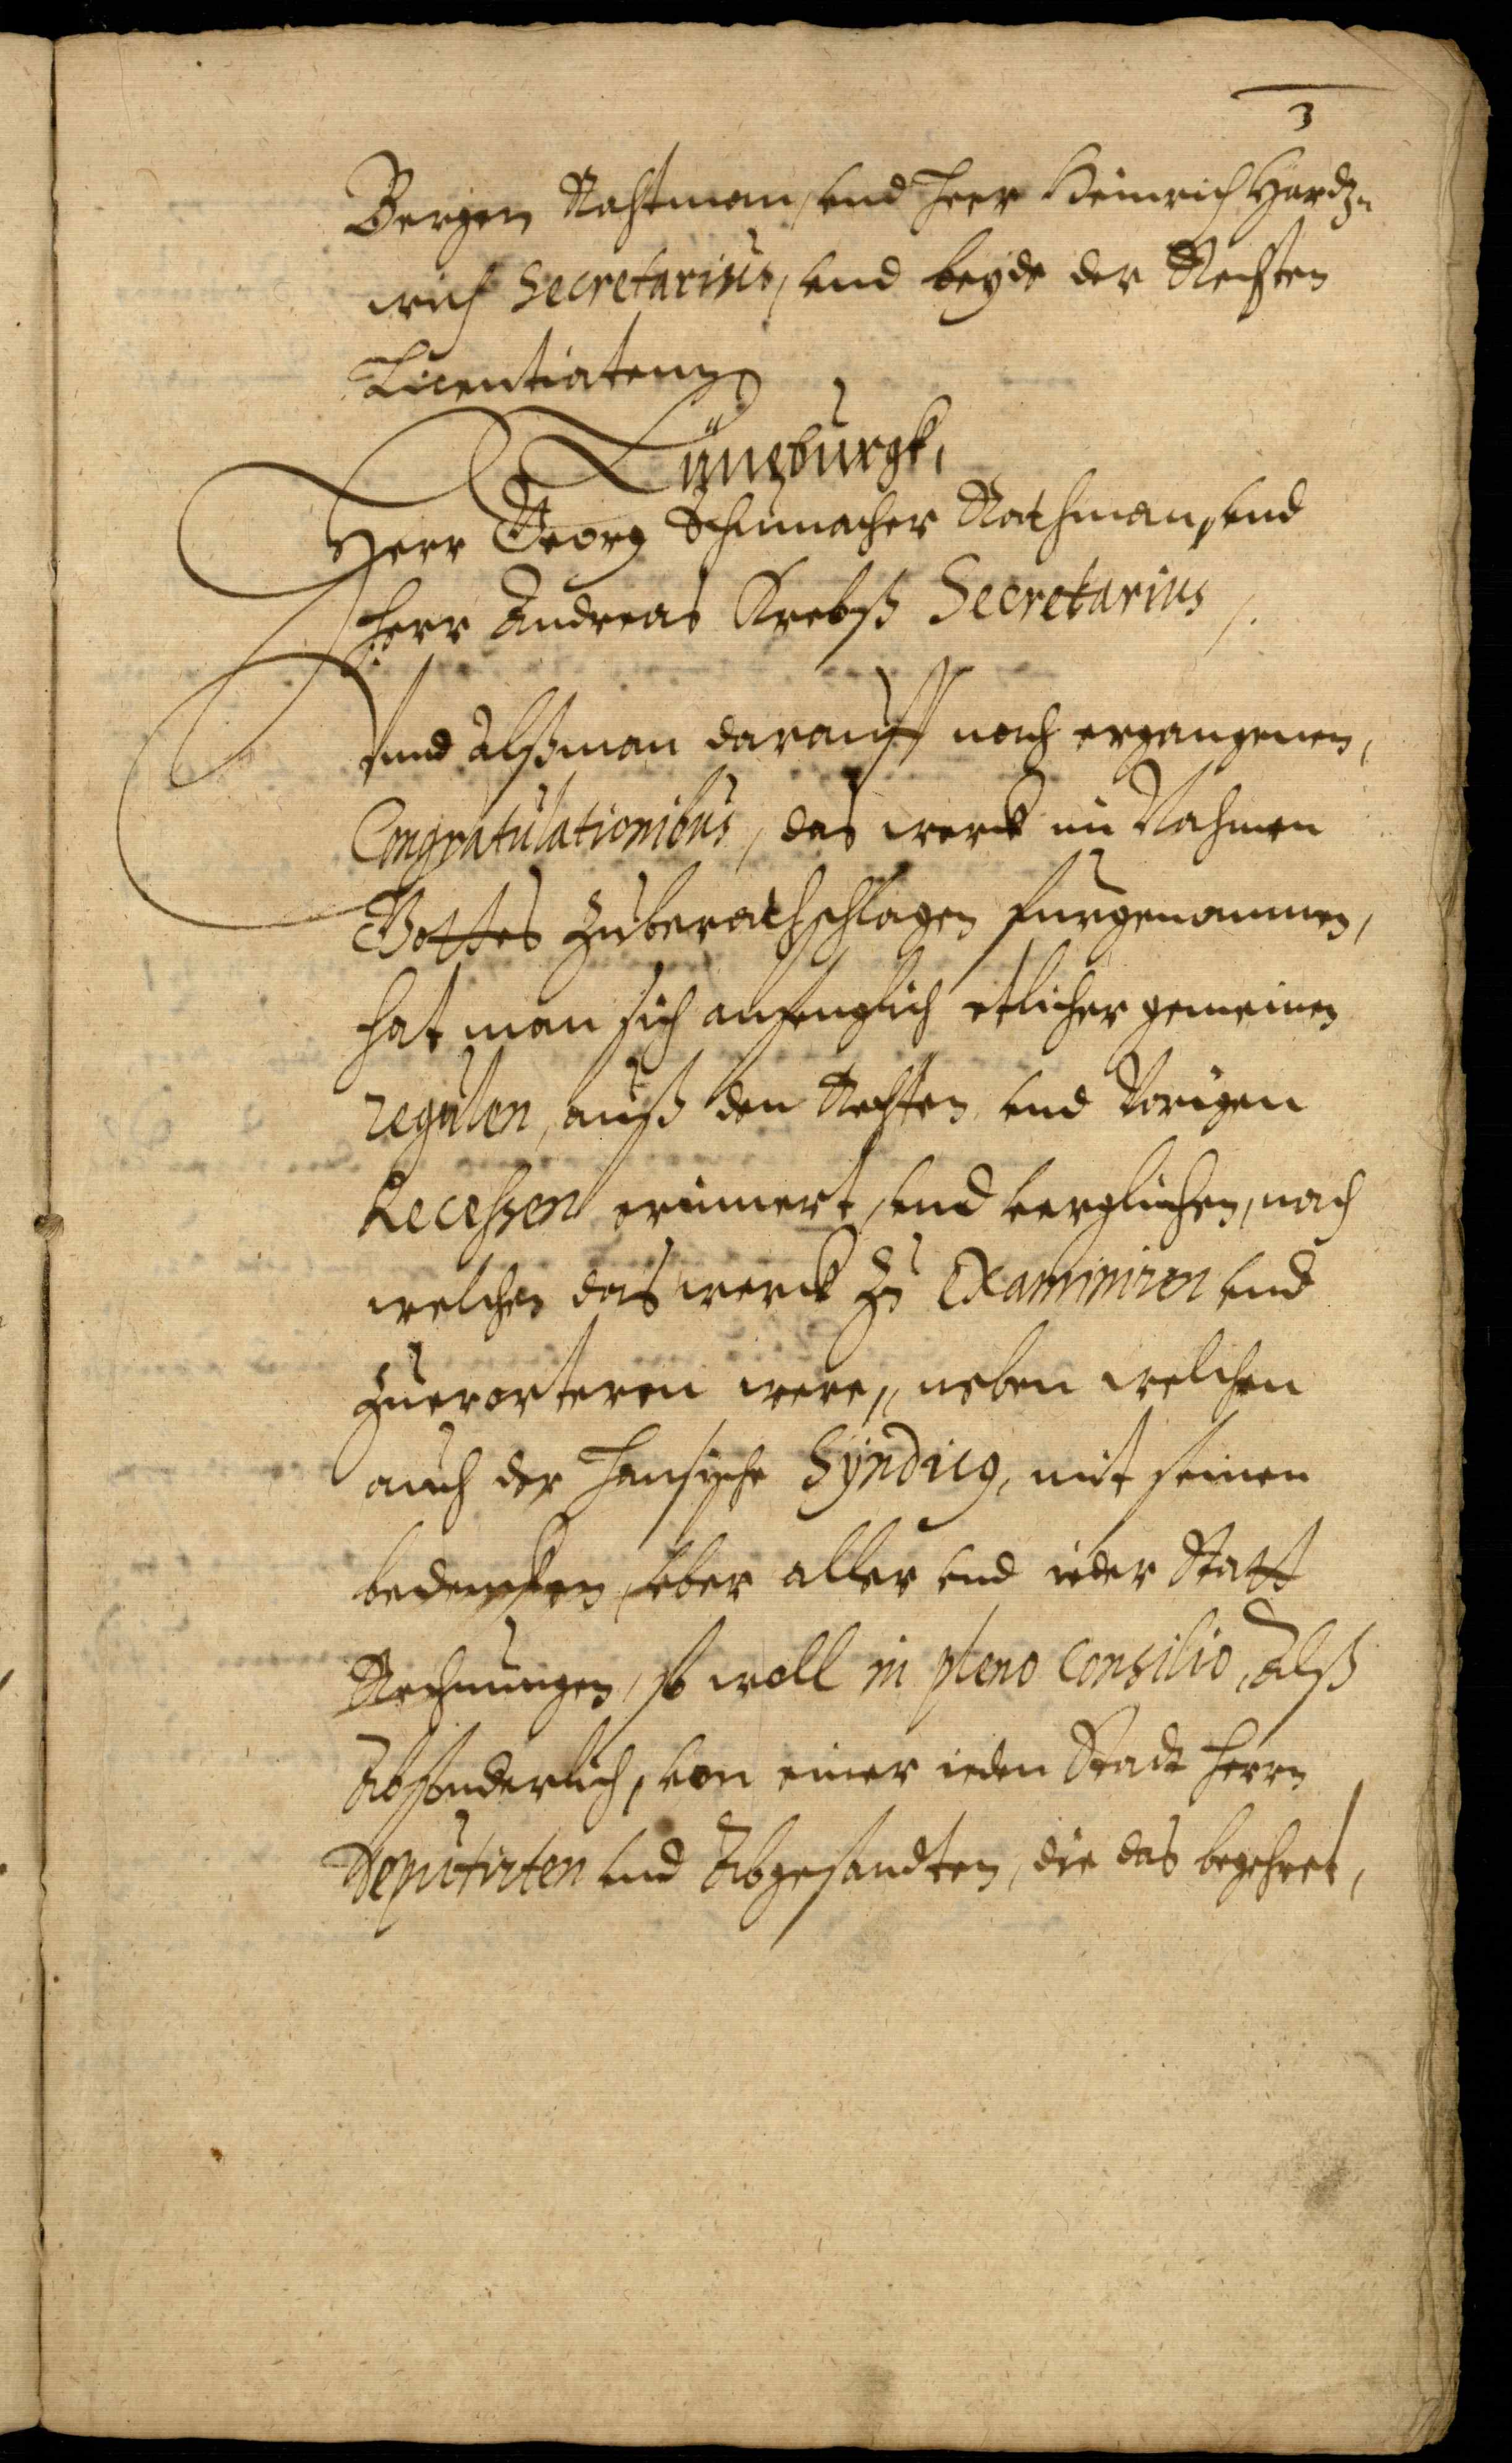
3
Bergen Rahtman, vnd herr Heinrich Hardz¬
wich Secretarius, vnd beijde der Rechten
Licentiatenn,
Lüneburgk,
Herr Georg Schumacher Rathman, vnd
herr Andreas Krebß Secretarius,
Vnd alßman darauff nach ergangenen,
Congratulationibus, daß werck im Nahmen
Gottes zuberathschlagen furgenommen,
hat man sich anfenglich etlicher gemeinen
regulen, auß den Rechten vnd vorigen
Recessen erinnert, vnd verglichen, nach
welchen das werck zu examiniren vnd
zuerortern were, neben welchen
auch der hansische Syndicus, mit seinen
bedenken, vber aller vnd ieder Statt
Rechnungen, so woll in pleno consilio, alß
absonderlich, von einer ieden Stadt herrn
Deputirten vnd Abgesandten, die das begehret,
